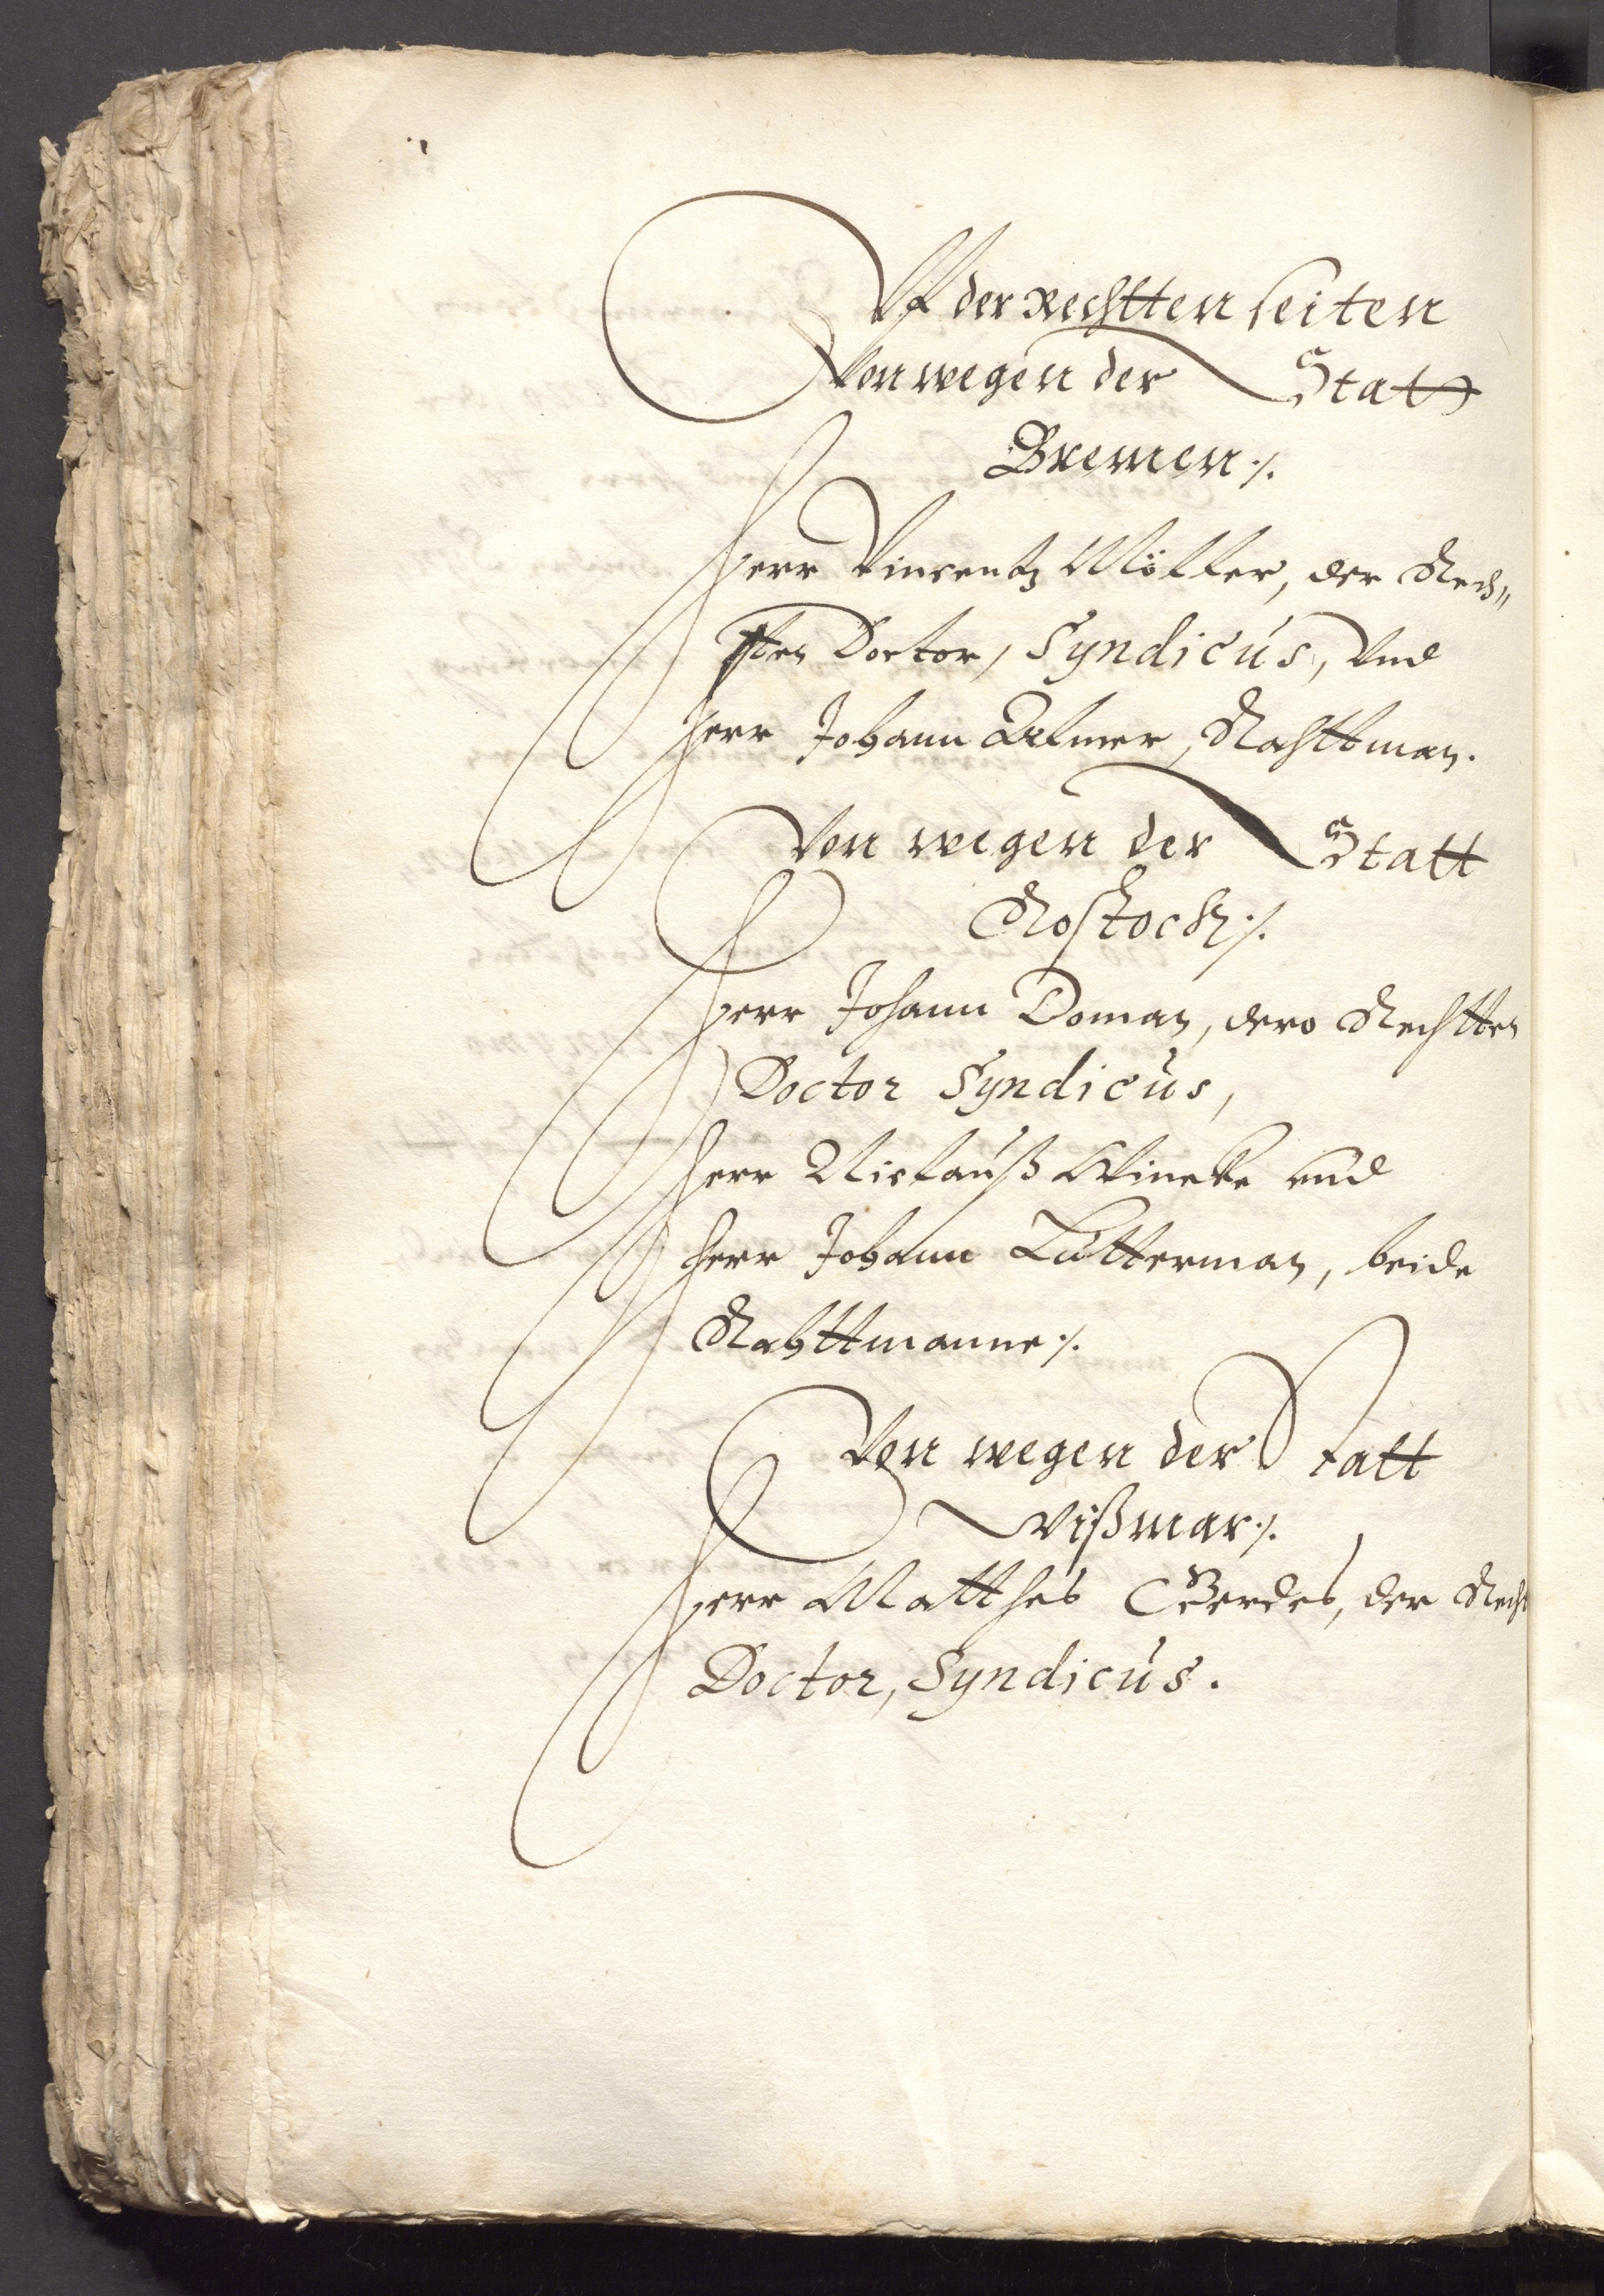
Vf der rechten seiten
von wegen der Statt
Bremen:
herr Vincentz Möller, der Rech¬
then Doctor, Syndicus, vnd
herr Johann Almer, Rahttman.
Von wegen der Statt
Rostock:
herr Johann Domas, dero Rechtten
Doctor Syndicus,
herr Niclauß Wineke vnd
herr Johann Lutterman, beide
Rahttmanne:
Von wegen der Statt
Vißmar:
herr Matthes Gerdes, der Recht
Doctor Syndicus.
